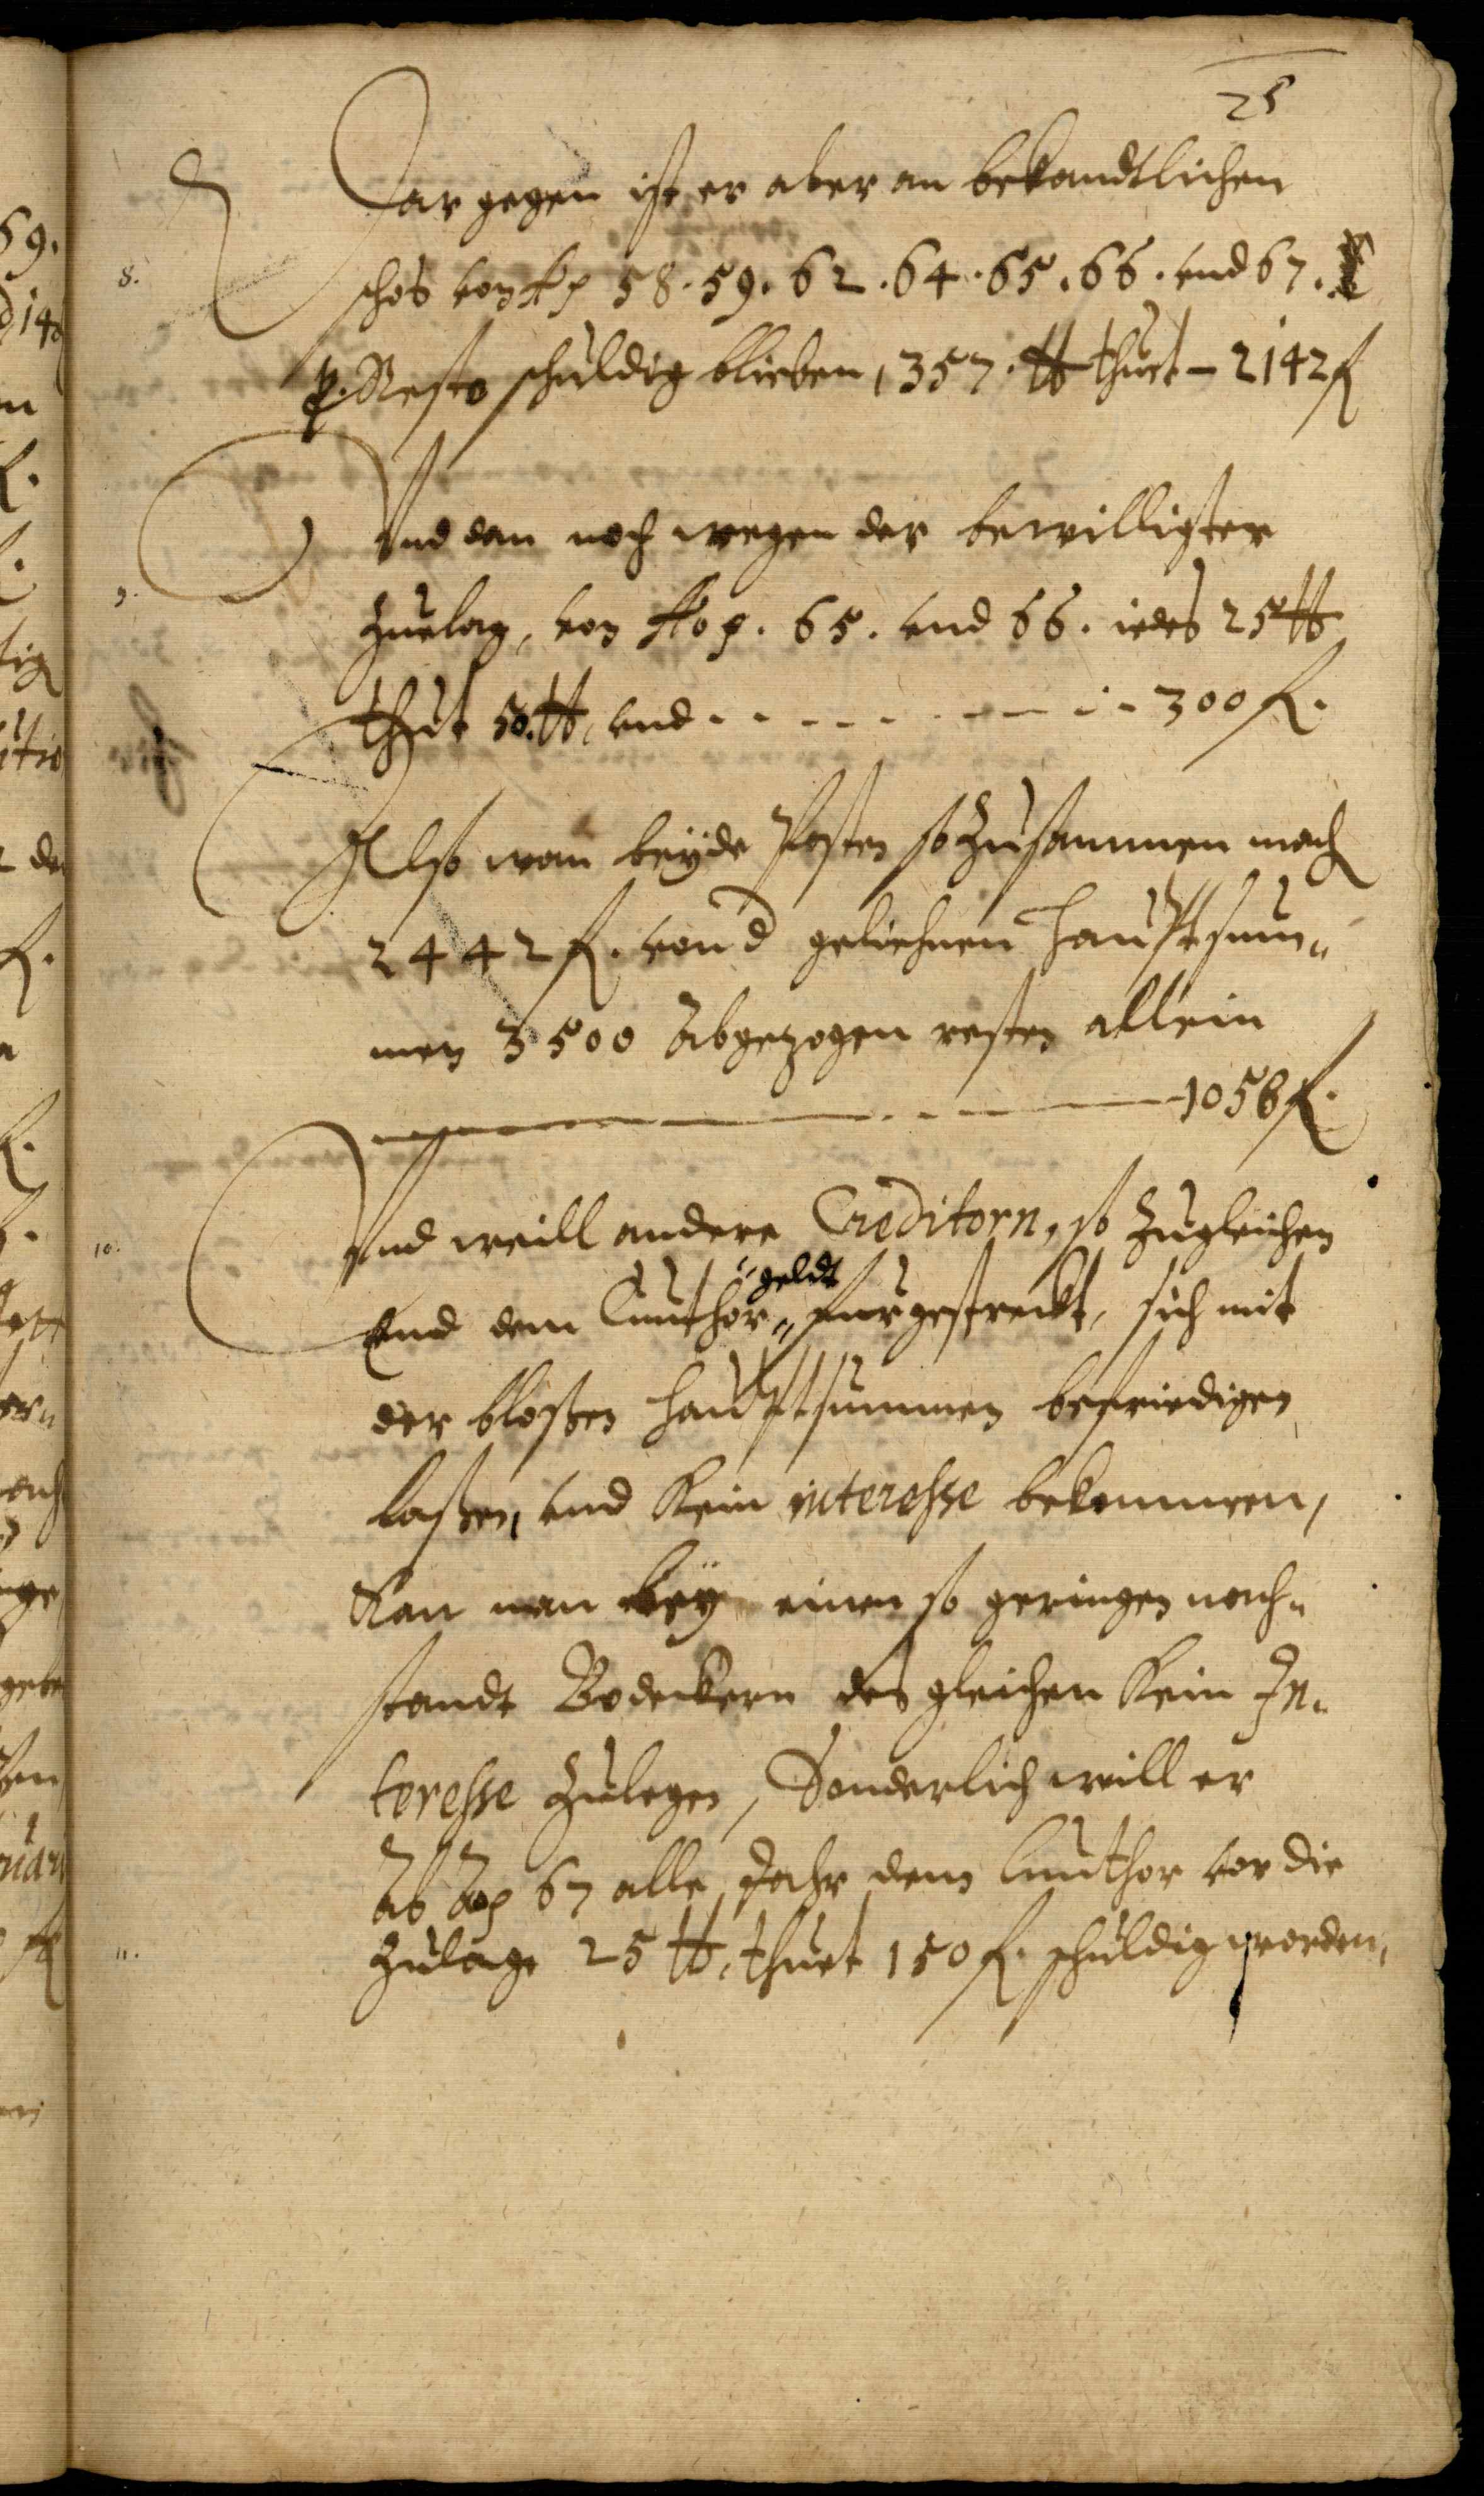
25
Dargegen ist er aber an bekandtlichen
schos von A p 58. 59. 62. 64. 65. 66. vnd 67. X
pro Resto schuldig blieben, 357. lb thut _ 2142 f.
Vnd dan noch wegen der bewilligter
zuelag, von Ao p. 65. vnd 66. iedes 25lb
thut 50.lb, vnd .......... 300f.
Also wan beijde Posten so zusammen machen
2442 f. von der geliehnen Hauptsum¬
men 3500 abgezogen resten allein
1056 f.
Vnd weill andere Creditorn, so zugleichen
End dem Cunthor geldt furgestreckt, sich mit
der bloßen Hauptsummen befriedigen
laßen, vnd kein interesse bekommen,
kan man beij einem so geringen nach¬
standt Bodekern des gleichen kein In¬
teresse zulegen, sonderlich weill er
Ab Ao p 67 alle Jahr dem Cunthor vor die
zulage 25lb, thuet 150 f.schuldig worden
8.
9.
10.
11.
